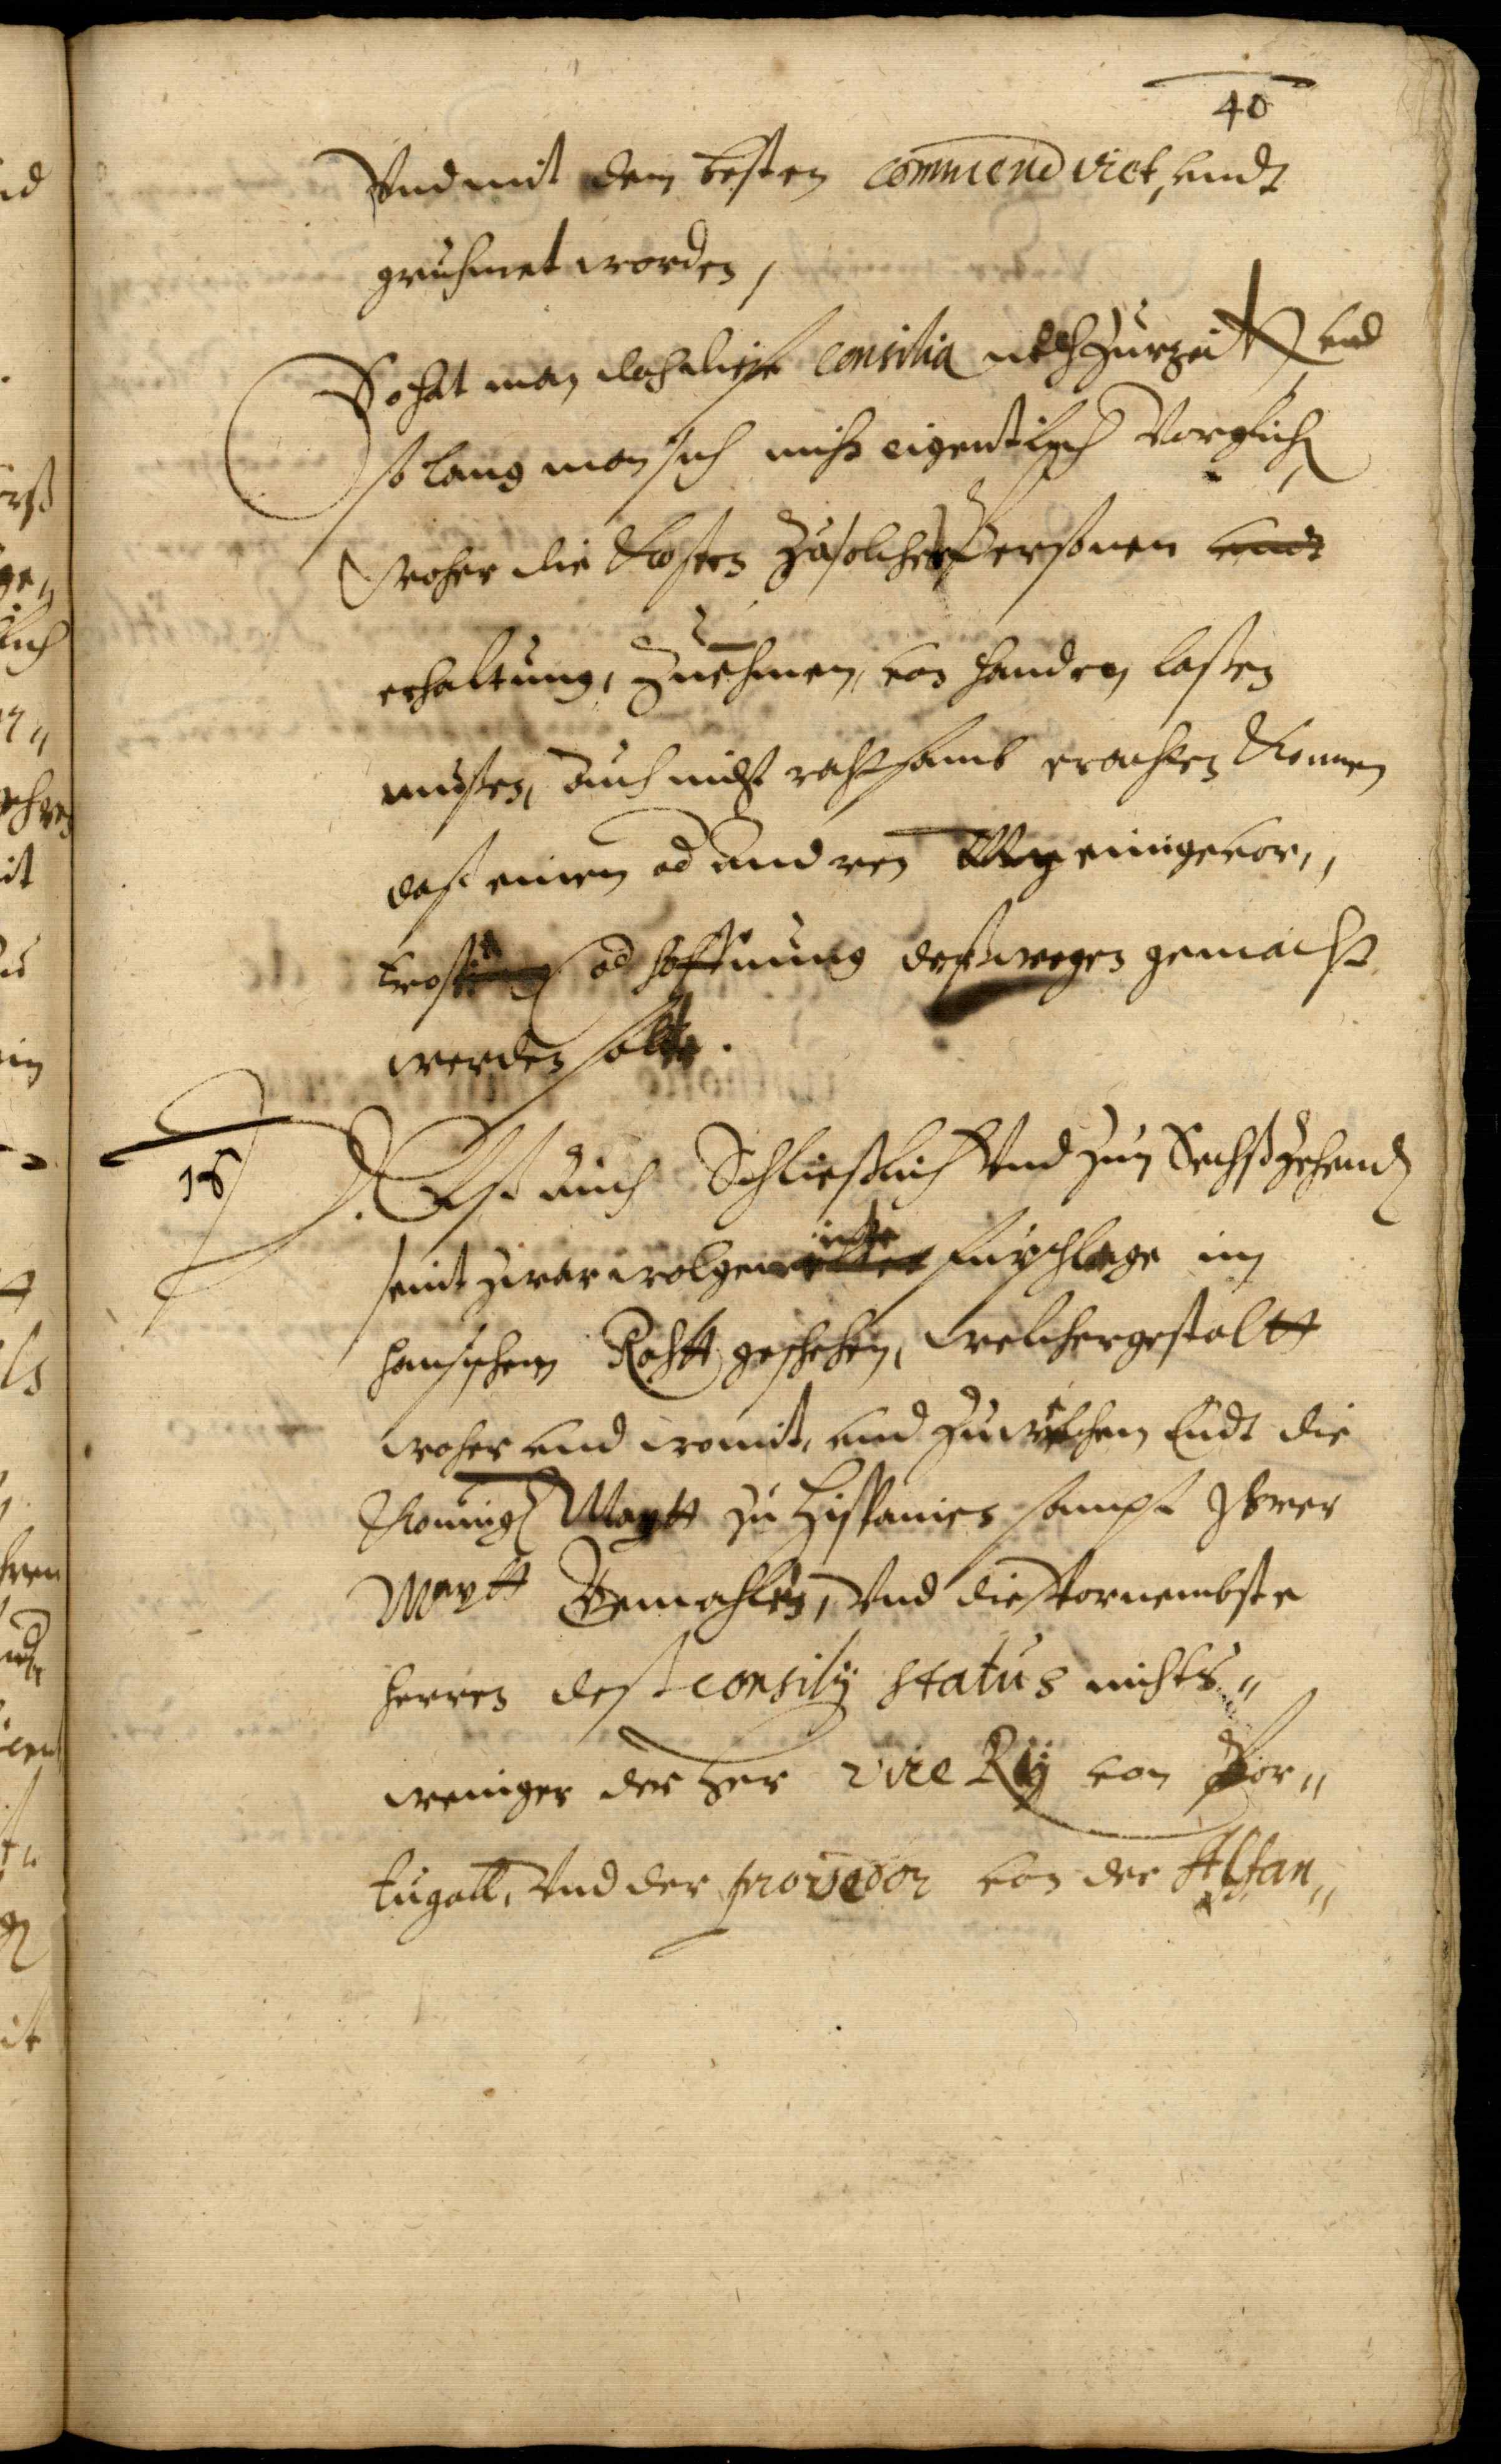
40
Vnd mit dem besten commendiret, vndt
gruhmet worden,
So hat man doch diese consilia noch zur zeitt vnd
so lang man sich nicht eigentlich vorglichen
woher die Kosten zu solchen Personen Vndt
erhaltung, zunehmen, von handen laßen
mußen, Auch nicht rahtsamb erachten Konnen
daß einem oder andren Weg einige vor¬
trostung oder hoffnung deßwegen gemacht
werden solte.
16
Alß auch Schließlich Vnd zum Sechßzehenden
somit zwar wolgemeinte furschlage im
hansischen Rahtt geschehen, welchergestaltt
woher vnd womit, vnd zu welchem Endt die
Konigl Maytt zu Hispanien sampt Ihrer
Maytt Gemahlin, Vnd die vornembste
herren deß consilij status nichts¬
weniger der Her vice Rej von Por¬
tugall, vnd der prouisor von der Alhan¬
